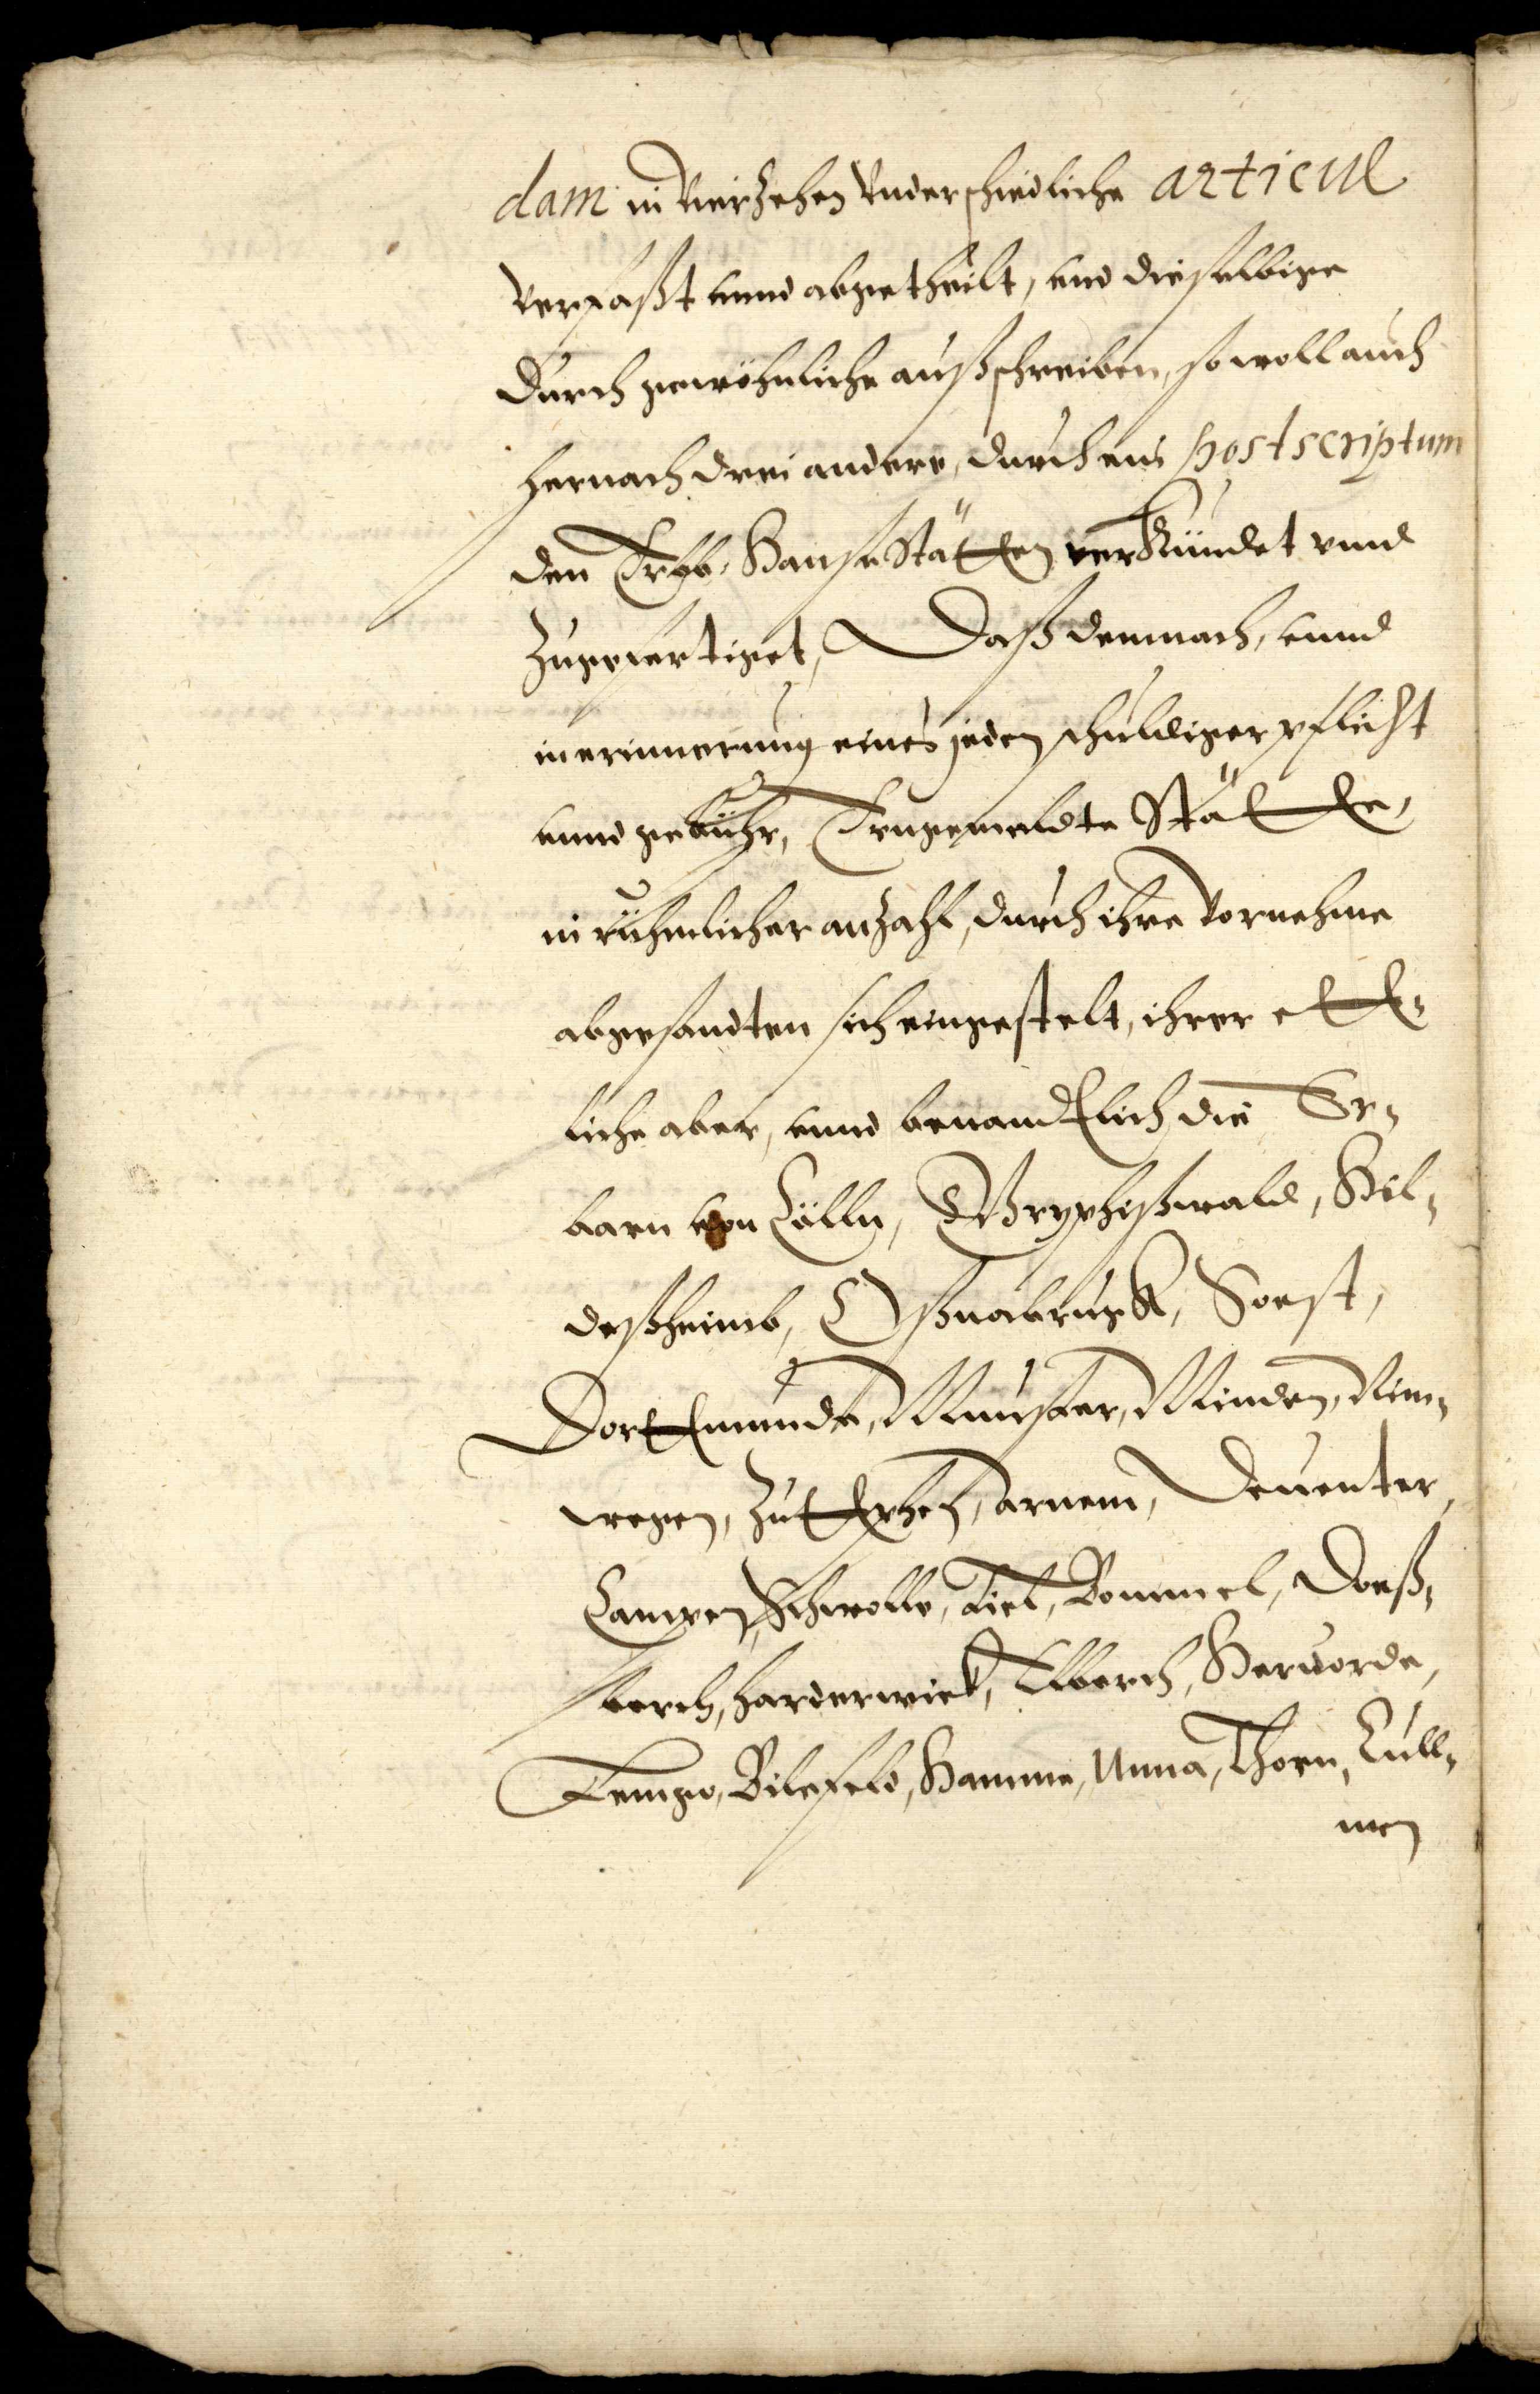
dam in Vierzehen Vnderschiedliche articul
verfaßt vnnd abgetheilt, vnd dieselbigen
durch gewöhnliche außschreiben, sowoll auch
hernach drei andere, durch ein postscriptum
den Erbb: Hansestätten verKündet vnd
Zugefertiget, Daß demnach, vnnd
in erinnerung eines jeden schuldiger pflicht
Vnnd gebühr, Erngemeldte Stätte,
in rühmlicher anzahl, durch ihre Vornehmen
abgesandten sich eingestelt, ihrer ett¬
liche aber, vnnd benandtlich die Er¬
barn von Cölln, Gryphißwald, Hil¬
deßheimb, Oßnabrugk, Soest,
dorttmunde, Munster, Minden, Nim¬
wegen, Zuttphen, Arnem, Deuenter,
Campen, Schwolle, Tiel, Bommel, doeß¬
berch, harderwiek, Elberch, Heruorde,
Lemgo, Bilefeld, Hamme, Unna, Thorn, Cull¬
men
